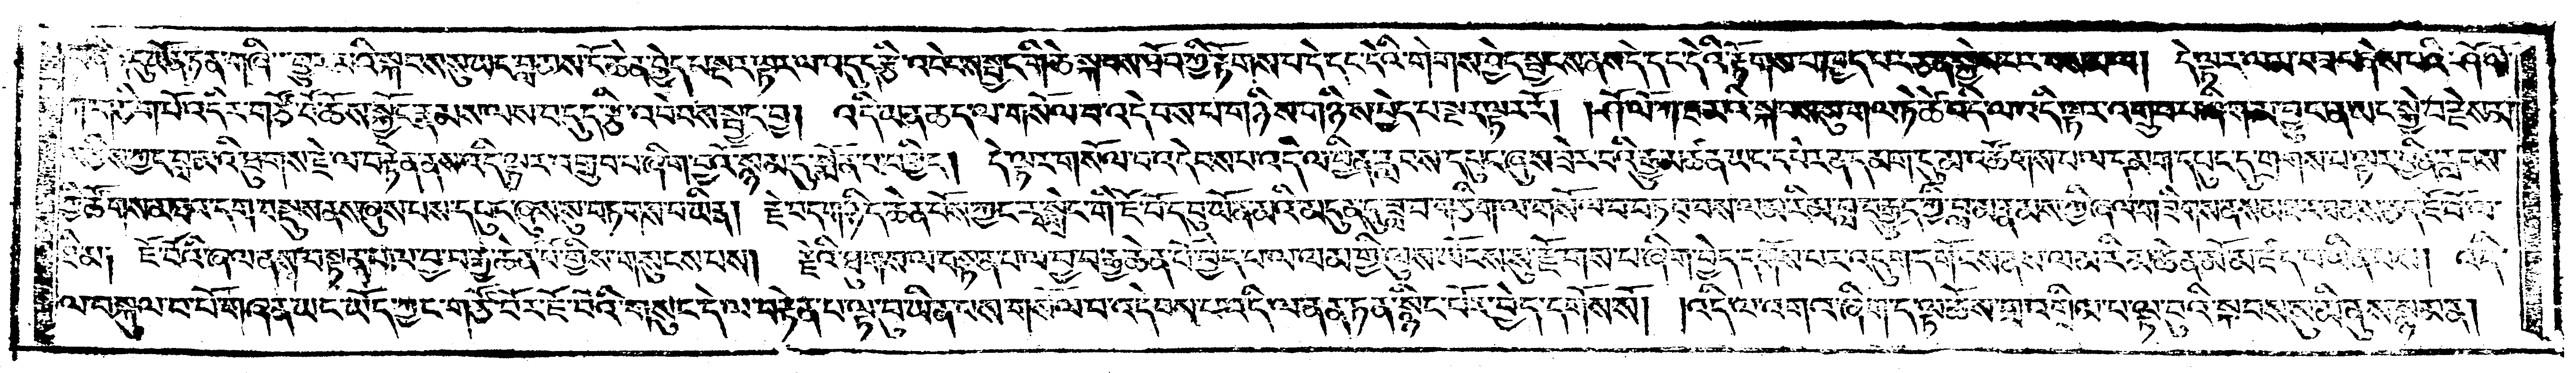བཞིན་དུ་ཡོན་ཏན་གཞི་གྱུར་མའི་སྐབས་སུ་ཡང་བླ་མས་ངོ་ཆེན་བྱེད་པ་སྔར་ལྟར་ལ་བདུད་རྩི་འབེབས་སྦྱང་གི་ཆེ་སྐབས་ཐོབ་ཀྱི་རྟོགས་པ་དེ་དང་དེའི་གེགས་བྱེད་སྦྱངས་ནས་དེ་དང་དེའི་རྟོགས་པ་ཁྱད་པར་ཅན་སྐྱེས་པར་བསམ་ལ། དེ་ལྟར་ལམ་བཟང་ཞེས་པའི་ཤོ་ལོ་
ཀ་གཅིག་པོ་འདིར་གཙོ་བོ་ཆོས་སྐྱོང་རྣམས་ལས་བདུད་རྩི་འབེབས་སྦྱང་བྱ། འདི་ཡན་ཆད་ལ་གསོལ་འདེབས་པ་གཉིས་གཉིས་བྱེད་པ་སྔར་ལྟར་རོ། །ཤོ་ལོ་ཀ་ཐ་མའི་སྐབས་སུ་གལ་ཏེ་ཚེ་འདི་ལ་འདི་ལྟར་འགྲུབ་པ་ཞིག་མ་བྱུང་ན་ཡང་སྐྱེ་བ་རྗེས་མ་
ལ་ཅིས་ཀྱང་བླ་མའི་ཐུགས་རྗེ་ལ་བརྟེན་ནས་འདི་ལྟར་འགྲུབ་པ་ཞིག་བྱའོ་སྙམ་དུ་སྨོན་པ་བགྱིང་། དེ་ལྟར་གསོལ་བ་འདེབས་པ་འདི་ལ་བྱིན་རླབས་དཔུང་ཞུས་ཟེར་བའི་རྒྱུ་མཚན་ཡང་དཔེར་ན་དམག་དུ་མ་འཚོགས་པ་ལ་དམག་དཔུང་དུ་གྲགས་པ་ལྟར་བྱིན་རླབས་
ཀྱི་ཚོགས་མཐའ་དག་བསྡུས་ནས་ཞུས་པས་དཔུང་ཞུས་སུ་བཏགས་པ་ཡིན། རྗེ་བདག་ཉིད་ཆེན་པོས་ཀྱང་རྭ་སྒྲེང་གི་ཇོ་བོ་དབུ་ཡོན་མའི་མདུན་དུ་ཟླ་བ་གཅིག་ལ་གསོལ་བ་བཏབ་བས་ལམ་རིམ་བླ་བརྒྱུད་ཀྱི་བླ་མ་རྣམས་ཀྱི་ཞལ་གཟིགས་ནས་མཐར་ཐམས་ཅད་ཇོ་བོ་ལ་
ཐིམ༑ ཇོ་བོའི་ཞལ་ནས་བསྟན་པ་ལ་བྱ་བ་རྒྱ་ཆེན་པོ་གྱིས་གསུངས་པས། རྗེའི་ཐུགས་ལ་བསྟན་པ་ལ་བྱ་བ་རྒྱ་ཆེན་པོ་བྱེད་པ་ལ་ལམ་གྱི་ལུས་ཡོངས་སུ་རྫོགས་པ་ཞིག་བྱེད་དགོས་པར་འདུག་དགོངས་ནས་ལམ་རིམ་ཆེན་མོ་མཛད་པ་ཡིན་པས། འདི་
ལ་བསྐུལ་བ་པོ་གཞན་ཡང་ཡོད་ཀྱང་གཙོ་བོར་ཇོ་བོའི་གསུང་དེ་ལ་བརྟེན་པ་ལྟ་བུ་ཡིན་པས་གསོལ་བ་འདེབས་པ་འདི་ལ་ནན་ཏན་སྙིང་པོར་བྱེད་དགོས་སོ། །འདི་ལ་འགའ་ཞིག་ད་ལྟ་ཆོས་གྲྭ་འགྲིམ་པ་ལྟ་བུའི་སྐབས་སུ་མི་ནུས་སྙམ་ན།